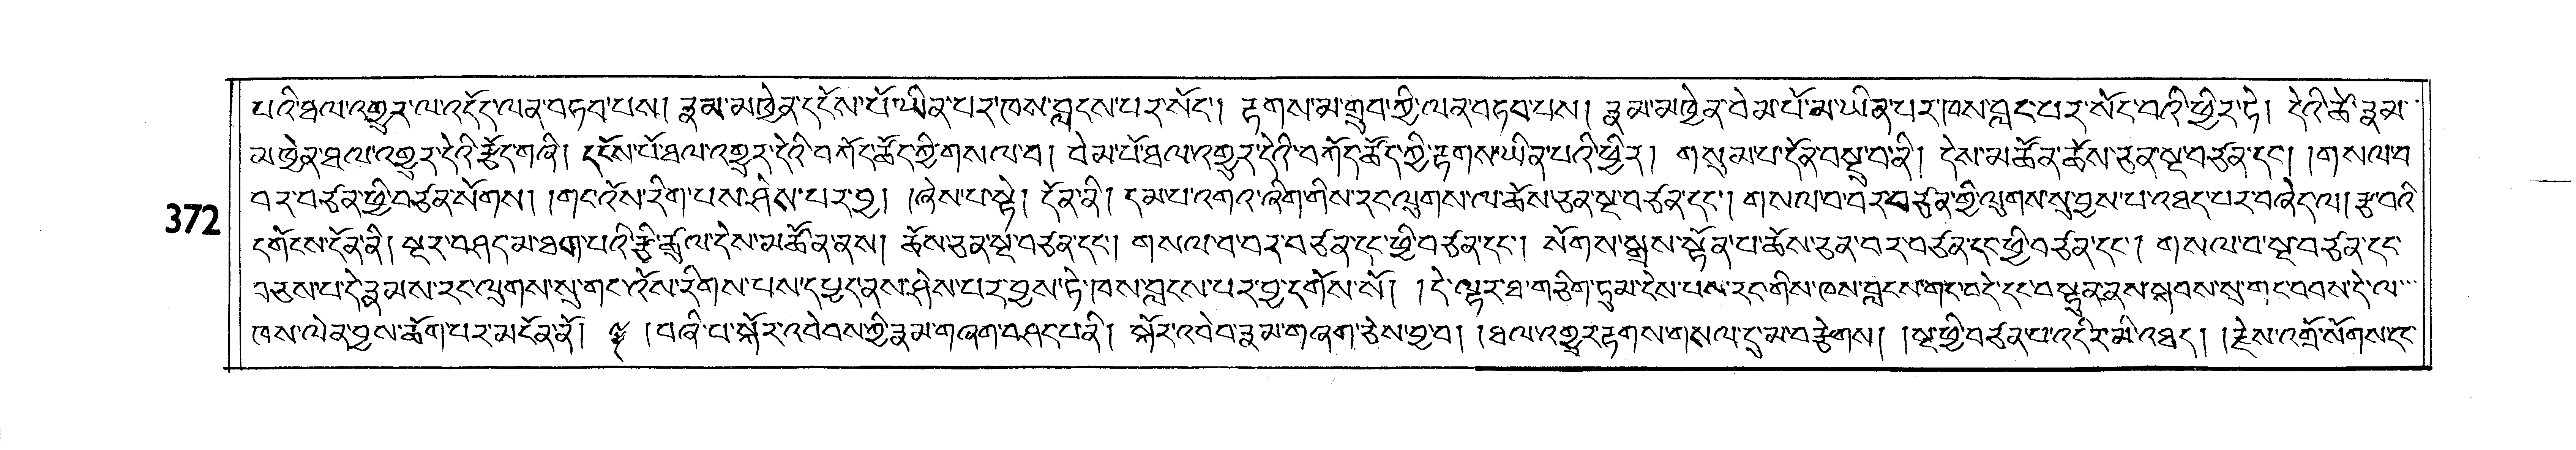པའི་ཐལ་འགྱུར་ལ་འདོད་ལན་བཏབ་པས། རྣམ་མཁྱེན་དངོས་པོ་ཡིན་པར་ཁས་བླངས་པར་སོང་། རྟགས་མ་གྲུབ་ཀྱི་ལྷན་བཏབ་པས། རྣམས་མཁྱེན་བེམ་པོ་མ་ཡིན་པར་ཁས་བླང་པར་སོང་བའི་ཕྱིར་ཏེ། དེའི་ཚེ་རྣམ་
མཁྱེན་ཐལ་འགྱུར་དེའི་རྩོད་གཞི། དངོས་པོ་ཐལ་འགྱུར་དེའི་བཀོད་ཚོད་ཀྱི་གསལ་བ། བེམ་པོ་ཐལ་འགྱུར་དེའི་བཀོད་ཚོད་ཀྱི་རྟགས་ཡིན་པའི་ཕྱིར། གསུམ་པ་དོན་བསྡུ་བ་ནི། དེས་མཚོན་ཆོས་ཅན་སྔ་བཙན་དང་། །གསལ་བ་
བར་བརྩན་ཕྱི་བཙན་སོགས། །གང་འོས་རིག་པས་ཤེས་པར་བྱ། །ཞེས་པ་སྟེ། དོན་ནི། དམ་པ་འགའ་ཞིག་གིས་རང་ལུགས་ལ་ཆོས་ཅན་ལྔ་བཙན་དང་། གསལ་བ་བར་བཙན་གྱི་ལུགས་སུ་བྱས་པ་འཐད་པར་བཞེད་ལ། རྩ་བའི་
དགོངས་དོན་ནི། སྔར་བཤད་མ་ཐག་པའི་རྩི་ཚུལ་དེས་མཚོན་ནས། ཆོས་ཅན་སྔ་བཙན་དང་། གསལ་བ་བར་བཙན་དང་ཕྱི་བཙན་དང་། སོགས་སྒྲས་སྟོན་པ་ཆོས་ཅན་བར་བརྩན་དང་ཕྱི་བཙན་དང་། གསལ་བ་སྔ་བཙན་དང་
བཅས་པ་དེ་རྣམས་རང་ལུགས་སུ་གང་འོས་རིགས་པས་དཔྱད་ནས་ཤེས་པར་བྱས་ཏེ་ཁས་བླངས་པར་བྱ་དགོས་སོ། །དེ་ལྟར་ཐ་གཅིག་ཏུ་མ་ངེས་པས་རང་གིས་ཁས་བླངས་གང་བདེ་དང་བསྟུན་ནས་སྐབས་སུ་གང་བབས་དེ་ལ་
ཁས་ལེན་བྱས་ཆོག་པར་མངོན་ནོ། ༈ །བཞི་པ་སྐོར་འབེབས་ཀྱི་རྣམ་གཞག་བཤད་པ་ནི། སྐོར་འབེབས་རྣམ་གཞག་ཅེས་བྱ་བ། །ཐལ་འགྱུར་རྟགས་གསལ་དུ་མ་བརྩེགས། །སྔ་ཕྱི་བཙན་པ་འདིར་མི་འཐད། །རྗེས་འགྲོ་སོགས་དང་